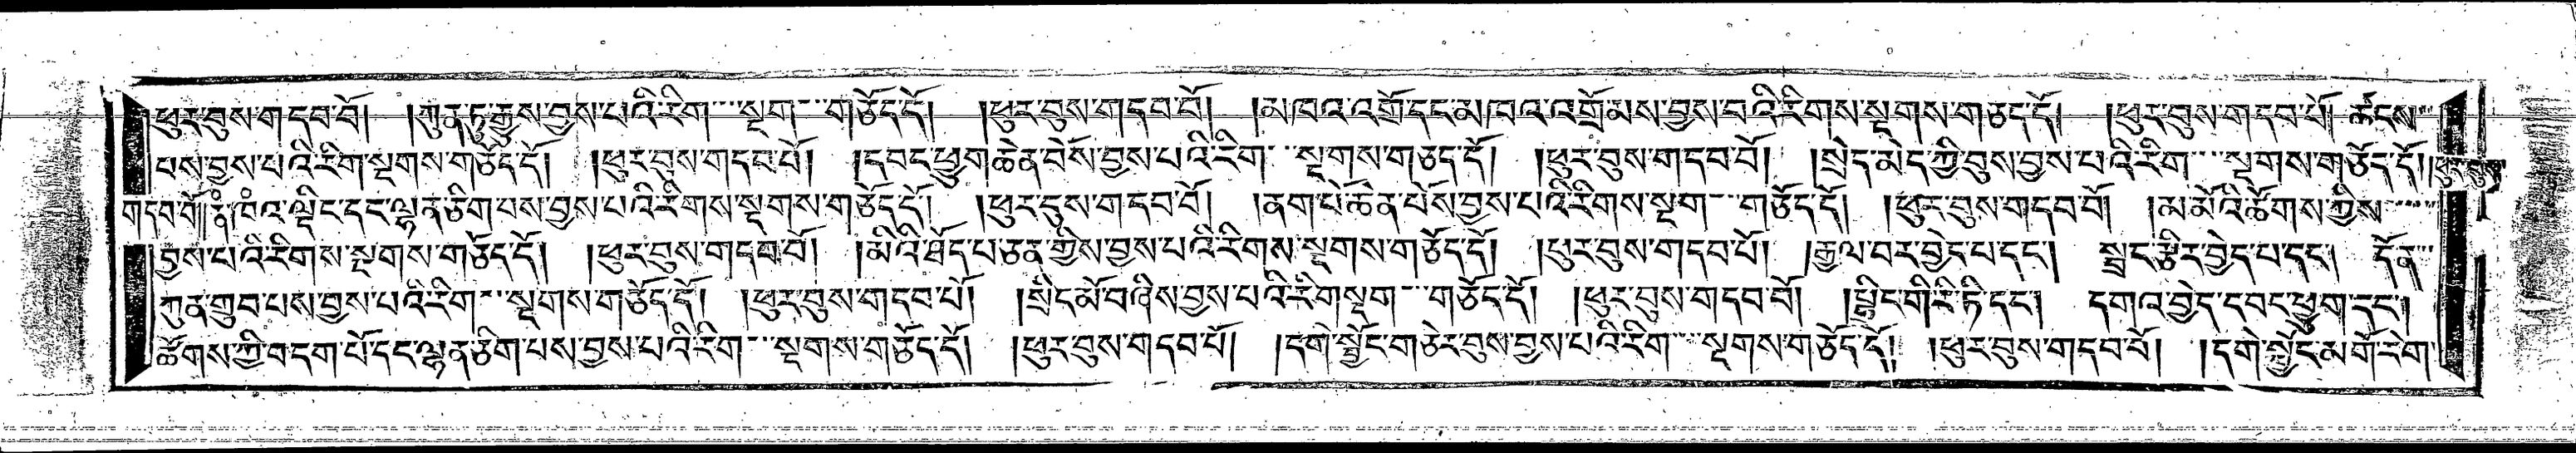ཕུར་བུས་གདབ་བོ། །ཀུན་ཏུ་རྒྱུས་བྱས་པའི་རིག་སྔག་གཅོད་དོ། །ཕུར་བུས་གདབ་བོ། །མཁའ་འགྲོ་དང་མཁའ་འགྲོ་མས་བྱས་པའི་རིགས་སྔགས་གཅད་དོ། །ཕུར་བུས་གདབ་པོ། ཚངས་
པས་བྱས་པའི་རིག་སྔགས་གཅོད་དོ། །ཕུར་བུས་གདབ་པོ། །དབང་ཕྱུག་ཆེན་པོས་བྱས་པའི་རིག་སྔགས་གཅད་དོ། །ཕུར་བུས་གདབ་བོ། །སྲེད་མེད་ཀྱི་བུས་བྱས་པའི་རིག་སྔགས་གཅོད་དོ། །ཕུར་བུས་
གདབ་བོ། །ནཾ་མཁའ་ལྡིང་དང་ལྷན་ཅིག་པས་བྱས་པའི་རིགས་སྔགས་གཅོད་དོ། །ཕུར་བུས་གདབ་བོ། །ནག་པོ་ཆེན་པོས་བྱས་པའི་རིགས་སྔག་གཅོད་དོ། །ཕུར་བུས་གདབ་བོ། །མ་མོའི་ཚོགས་ཀྱིས་
བྱས་པའི་རིགས་སྔགས་གཅོད་དོ། །ཕུར་བུས་གདབ་བོ། །མིའི་ཐོད་པ་ཅན་གྱིས་བྱས་པའི་རིགས་སྔགས་གཅོད་དོ། །ཕུར་བུས་གདབ་པོ། །རྒྱལ་བར་བྱེད་པ་དང་། སྦྲང་རྩིར་བྱེད་པ་དང་། དོན་
ཀུན་གྲུབ་པས་བྱས་པའི་རིག་སྔགས་གཅོད་དོ། །ཕུར་བུས་གདབ་པོ། །སྲིད་མོ་བཞིས་བྱས་པའི་རིག་སྔགས་གཅོད་དོ། །ཕུར་བུས་གདབ་བོ། །བྷྲིང་གི་རི་ཏི་དང་། དགའ་བྱེད་དབང་ཕྱུག་དང་།
ཚོགས་ཀྱི་བདག་པོ་དང་ལྷན་ཅིག་པས་བྱས་པའི་རིག་སྔགས་གཅོད་དོ། །ཕུར་བུས་གདབ་པོ། །དགེ་སྦྱོང་གཅེར་བུས་བྱས་པའི་རིག་སྔགས་གཅོད་དོ། །ཕུར་བུས་གདབ་བོ། །དགེ་སྦྱོང་མགོ་རེག་